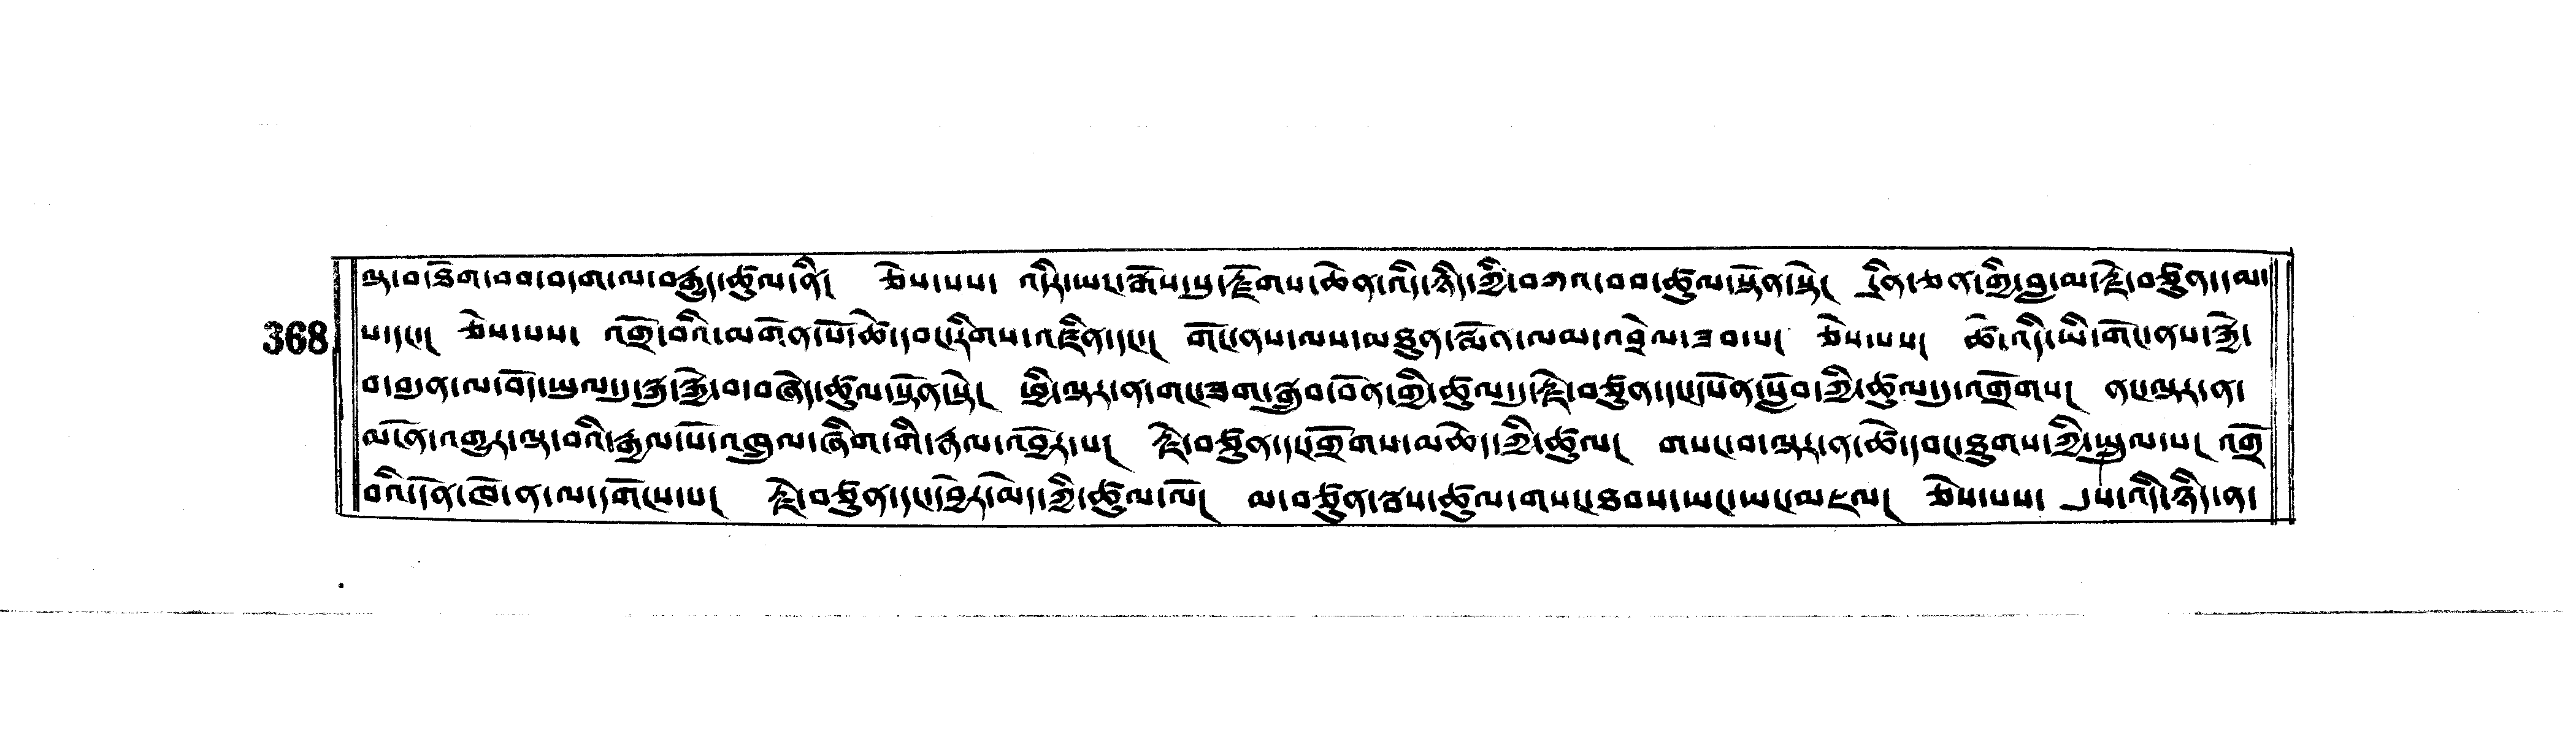ལྟ་བ་ཐོག་བབ་བདག་ལ་བརྒྱུད་ཚུལ་ནི། ཅེས་པས། འདིར་ཡང་སྒོས་སུ་རྫོགས་ཆེན་འདི་ཉིད་བཀའ་བབས་ཚུལ་སྟོན་ཏེ། དྲིན་ཅན་གྱི་བླ་མ་རྗེ་བཙུན་དམ་
པ་དང་། ཅེས་པས། འགྲོ་བའི་མགོན་པོ་ཚེ་དབང་རིག་འཛིན་དང་། གོང་ནས་ལས་མཐུན་སྨོན་ལམ་འབྲེལ་ཟབ་པ། ཅེས་པས། ཚེ་འདི་ཡི་གོང་ནས་སྐྱེ་
བ་བདུན་ལ་བོད་ཡུལ་དུ་སྐུ་སྐྱེ་བ་བཞེད་ཚུལ་སྟོན་ཏེ། ཕྱི་ལྟར་ན་གང་ཟག་སྒྲུབ་བོན་གྱི་ཚུལ་དུ་རྗེ་བཙུན་དང་དཔོན་སློབ་ཀྱི་ཚུལ་དུ་འགྲོགས། ནང་ལྟར་ན་
མངོན་གྱུར་ལྟ་བའི་རྒྱལ་པོ་འཁྲུལ་ཞིག་གི་རྣལ་འབྱོར་པ། རྗེ་བཙུན་དང་གྲོགས་མཆེད་ཀྱི་ཚུལ་དུ། གསང་བ་ལྟར་ན་ཚེ་དབང་ཐུགས་ཀྱི་སྤྲུལ་པ། འགྲོ་
བའི་དོན་ཁོ་ན་ལ་དགོངས་པ། རྗེ་བཙུན་དང་དབྱེར་མེད་ཀྱི་ཚུལ་ལོ། མ་བཙུན་སྦས་ཚུལ་གསང་ཐབས་ཡང་ཡང་མཇལ། ཅེས་པས། དུས་འདི་ཉིད་ན་